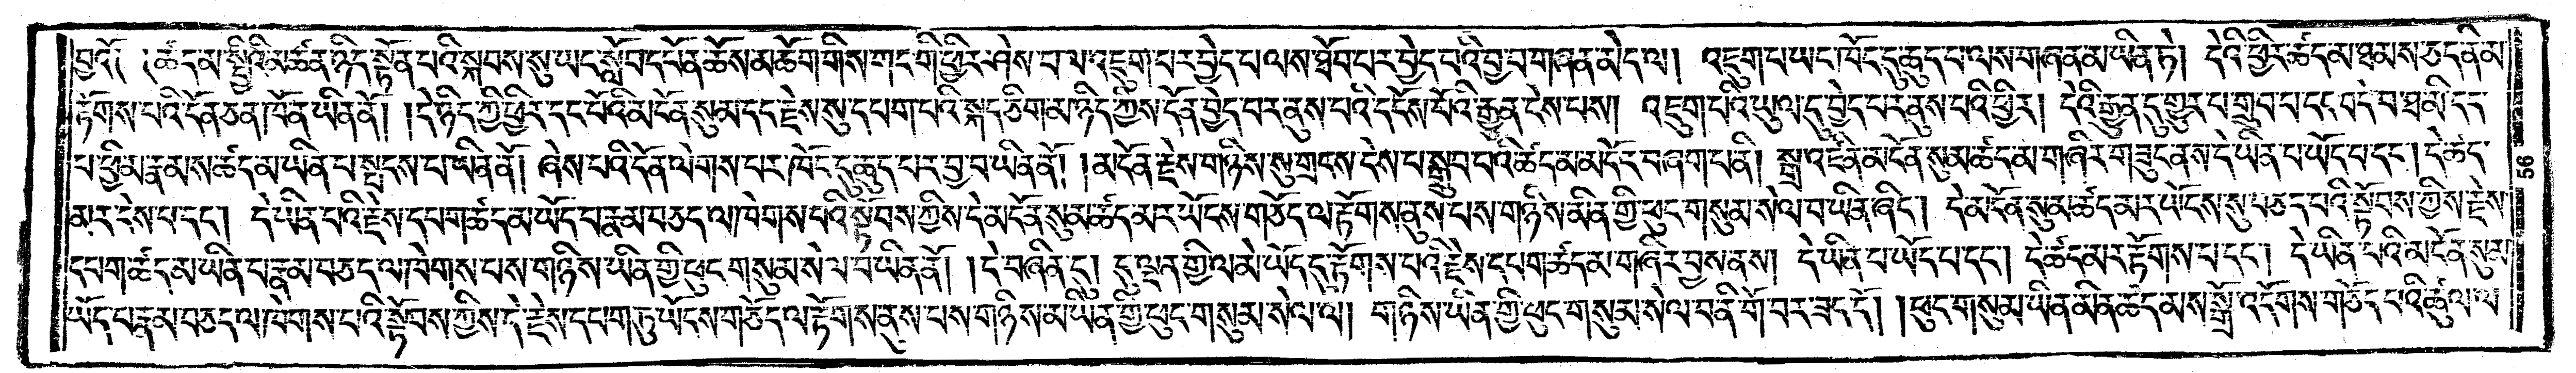བྱའོ། །ཚད་མ་སྤྱིའི་མཚན་ཉིད་སྟོན་པའི་སྐབས་སུ་ཡང་སློབ་དཔོན་ཆོས་མཆོག་གིས་གང་གི་ཕྱིར་ཤེས་པ་ལ་འཇུག་པར་བྱེད་པ་ལས་ཐོབ་པར་བྱེད་པའི་བྱ་བ་གཞན་མེད་ལ། འཇུག་པ་ཡང་ཁོང་དུ་ཆུད་པ་ལས་གཞན་མ་ཡིན་ཏེ། དེའི་ཕྱིར་ཚད་མ་ཐམས་ཅད་ནི་མ་
རྟོགས་པའི་དོན་ཅན་ཁོ་ན་ཡིན་ནོ། །དེ་ཉིད་ཀྱི་ཕྱིར་དང་པོའི་མངོན་སུམ་དང་རྗེས་སུ་དཔག་པའི་སྐད་ཅིག་མ་ཉིད་ཀྱིས་དོན་བྱེད་པར་ནུས་པའི་དངོས་པོའི་རྒྱུན་ངེས་པས། འཇུག་པའི་ཡུལ་དུ་བྱེད་པར་ནུས་པའི་ཕྱིར། དེའི་རྒྱུན་དུ་གྱུར་པ་གྲུབ་པ་དང་བདེ་བ་ཐ་མི་དད་
པ་ཕྱི་མ་རྣམས་ཚད་མ་ཡིན་པ་སྤངས་པ་ཡིན་ནོ། ཞེས་པའི་དོན་ལེགས་པར་ཁོང་དུ་ཆུད་པར་བྱ་བ་ཡིན་ནོ། །མངོན་རྗེས་གཉིས་སུ་གྲངས་ངེས་པ་སྒྲུབ་པའི་ཚད་མ་མདོར་བཞག་པ་ནི། སྒྲ་འཛིན་མངོན་སུམ་ཚད་མ་གཞིར་གཟུང་ནས་དེ་ཡིན་པ་ཡོད་པ་དང་། དེ་ཚད་
མར་ངེས་པ་དང་། དེ་ཡིན་པའི་རྗེས་དཔག་ཚད་མ་ཡོད་པ་རྣམ་བཅད་ལ་ཁེགས་པའི་སྟོབས་ཀྱིས་དེ་མངོན་སུམ་ཚད་མར་ཡོངས་གཅོད་ལ་རྟོགས་ནུས་པས་གཉིས་མིན་གྱི་ཕུང་གསུམ་སེལ་བ་ཡིན་ཞིང་། དེ་མངོན་སུམ་ཚད་མར་ཡོངས་སུ་བཅད་པའི་སྟོབས་ཀྱིས་རྗེས་
དཔག་ཚད་མ་ཡིན་པ་རྣམ་བཅད་ལ་ཁེགས་པས་གཉིས་ཡིན་གྱི་ཕུང་གསུམ་སེལ་བ་ཡིན་ནོ། །དེ་བཞིན་དུ། དུ་ལྡན་གྱི་ལ་མེ་ཡོད་དུ་རྟོགས་པའི་རྗེས་དཔག་ཚད་མ་གཞིར་བྱས་ནས། དེ་ཡིན་པ་ཡོད་པ་དང་། དེ་ཚད་མར་རྟོགས་པ་དང་། དེ་ཡིན་པའི་མངོན་སུམ་
ཡོད་པ་རྣམ་བཅད་ལ་ཁེགས་པའི་སྟོབས་ཀྱིས་དེ་རྗེས་དཔག་ཏུ་ཡོངས་གཅོད་ལ་རྟོགས་ནུས་པས་གཉིས་མ་ཡིན་གྱི་ཕུང་གསུམ་སེལ་ལ། གཉིས་ཡིན་གྱི་ཕུང་གསུམ་སེལ་བ་ནི་གོ་བར་ཟད་དོ། །ཕུང་གསུམ་ཡིན་མིན་ཚད་མས་སྒྲོ་འདོགས་གཅོད་པའི་ཚུལ་ལ་